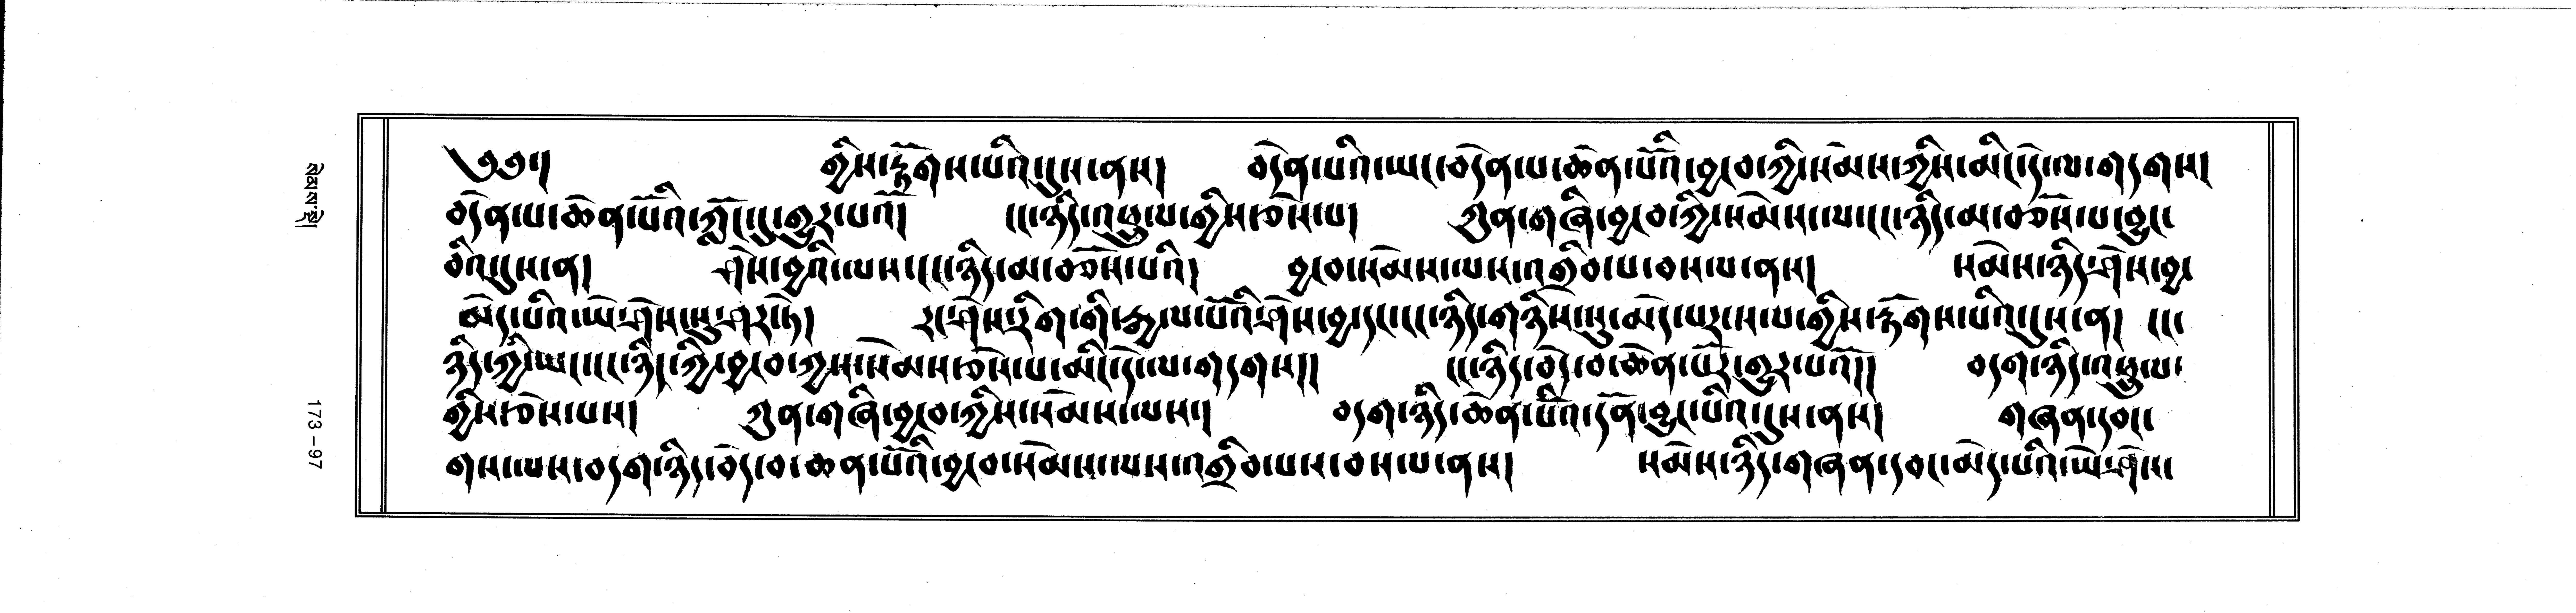གྱིས་རྟོགས་པའི་དུས་ན། བདེན་པའི་ཡང་བདེན་པ་ཆེན་པོའི་བྱང་ཆུབ་ཀྱི་སེམས་ཀྱིས་མིང་དེ་ལ་གདགས་
བདེན་པ་ཆེན་པོའི་ཀློང་དུ་གྱུར་པའོ། །ངང་ཉིད་འཕྲུལ་གྱིས་ཅེས་པས། ཀུན་གཞི་བྱང་ཆུབ་ཀྱི་སེམས་ལ་ངང་ཉིད་མ་བཅོས་པ་བྱུང་
བའི་དུས་ན། ཤེས་བྱའི་ལས་ངང་ཉིད་མ་བཅོས་པའི། བྱང་ཆུབ་སེམས་ལས་འགྲིབ་པ་བསལ་ནས། སེམས་ཉིད་ཤེས་བྱ་
མེད་པའི་ཡེ་ཤེས་སུ་ཤར་ཏེ། རང་ཤེས་རིག་རྒྱལ་པོའི་ཤེས་བྱ་དང་ངང་ཉིད་གཉིས་སུ་མེད་པར་སལ་གྱིས་རྟོགས་པའི་དུས་ན། ངང་
ཉིད་ཀྱི་ཡང་ངང་ཉིད་ཀྱི་བྱང་ཆུབ་སེམས་ཅེས་པ་མིང་དེ་ལ་གདགས། ངང་ཉིད་བདེ་བ་ཆེན་པོར་གྱུར་པའོ། །བདག་ཉིད་འཕྲུལ་
གྱིས་ཅེས་པས་ཀུན་གཞི་བྱང་ཆུབ་ཀྱི་སེམས་ལས། བདག་ཉིད་ཆེན་པོའི་དོན་བྱུང་བའི་དུས་ན། གཞན་དབང་
གིས་ལས་བདག་ཉིད་བདེ་བ་ཆེན་པོའི་བྱང་ཆུབ་སེམས་ལས་འགྲིབ་པ་བསལ་ནས། སེམས་ཉིད་གཞན་དབང་མེད་པའི་ཡེ་ཤེས་